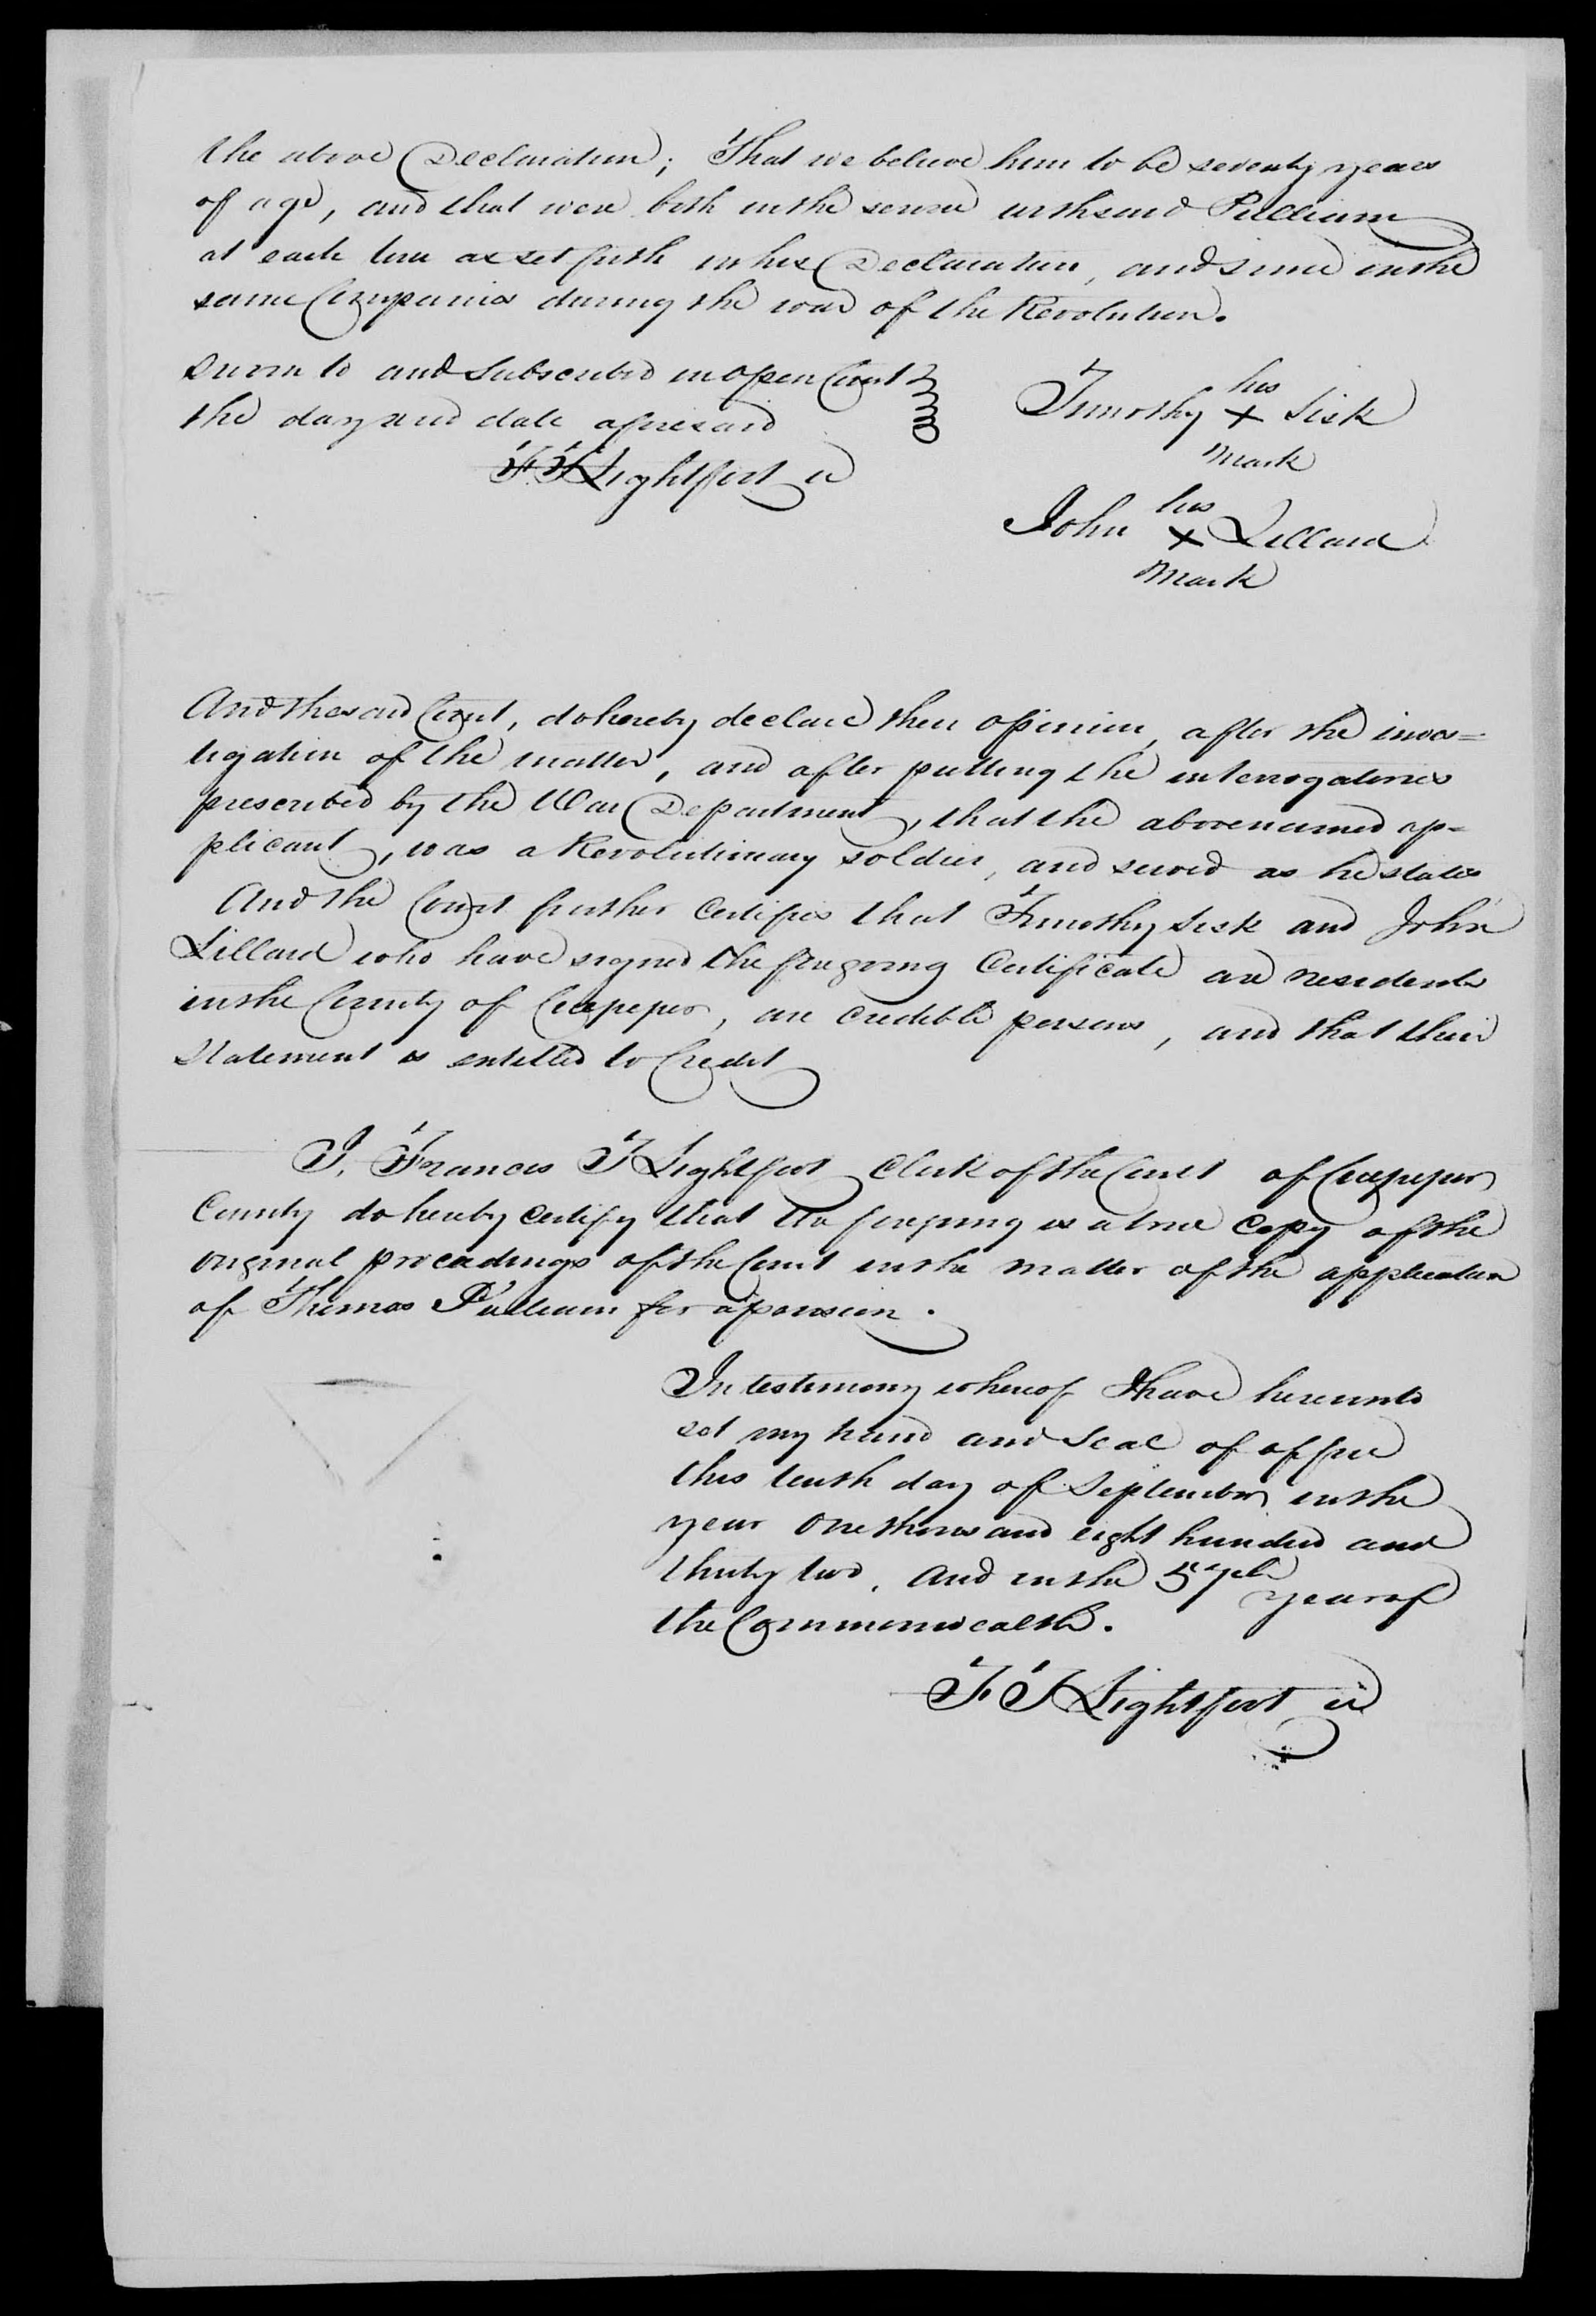the above Declaration; That we believe him to be seventy years
of age, and that were both in the service with said William
at each time as set forth in his Declaration and served in the same
Companies during the war of the Revolution.
Timothy X his mark Sisk
John X his mark Lillard
Sworn to and subscribed in open Court
the day and date aforesaid
F. T Lightfoot

And the said Court, do hereby declare the opinion after the 
investigation of the matter, and after putting the interrogations
prescribed by the War Department, that the above named 
applicant was a Revolutionary soldier, and served as he states
and the Court further certifies that Timothy Sisk and John
Lillard who have signed the foregoing certificate are residents
in the County of Culpeper, are credible persons, and that their
Statement is entitled to Credit

I, Francis T Lightfoot Clerk of the Court of Culpeper
County do hereby certify that the foregoing is a true copy of the
original proceedings of the Court in the matter of the application
of Thomas Pulliam for a pension.
In testimony whereof I have hereunto
set my hand and seal of office
this tenth day of September in the
year one thousand eight hundred and
thirty two, and in the 57th year of
the Commonwealth
FT Lightfoot in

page: 5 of 27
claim: survivor's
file: S. 5,955, for Thomas Pulliam, Virginia